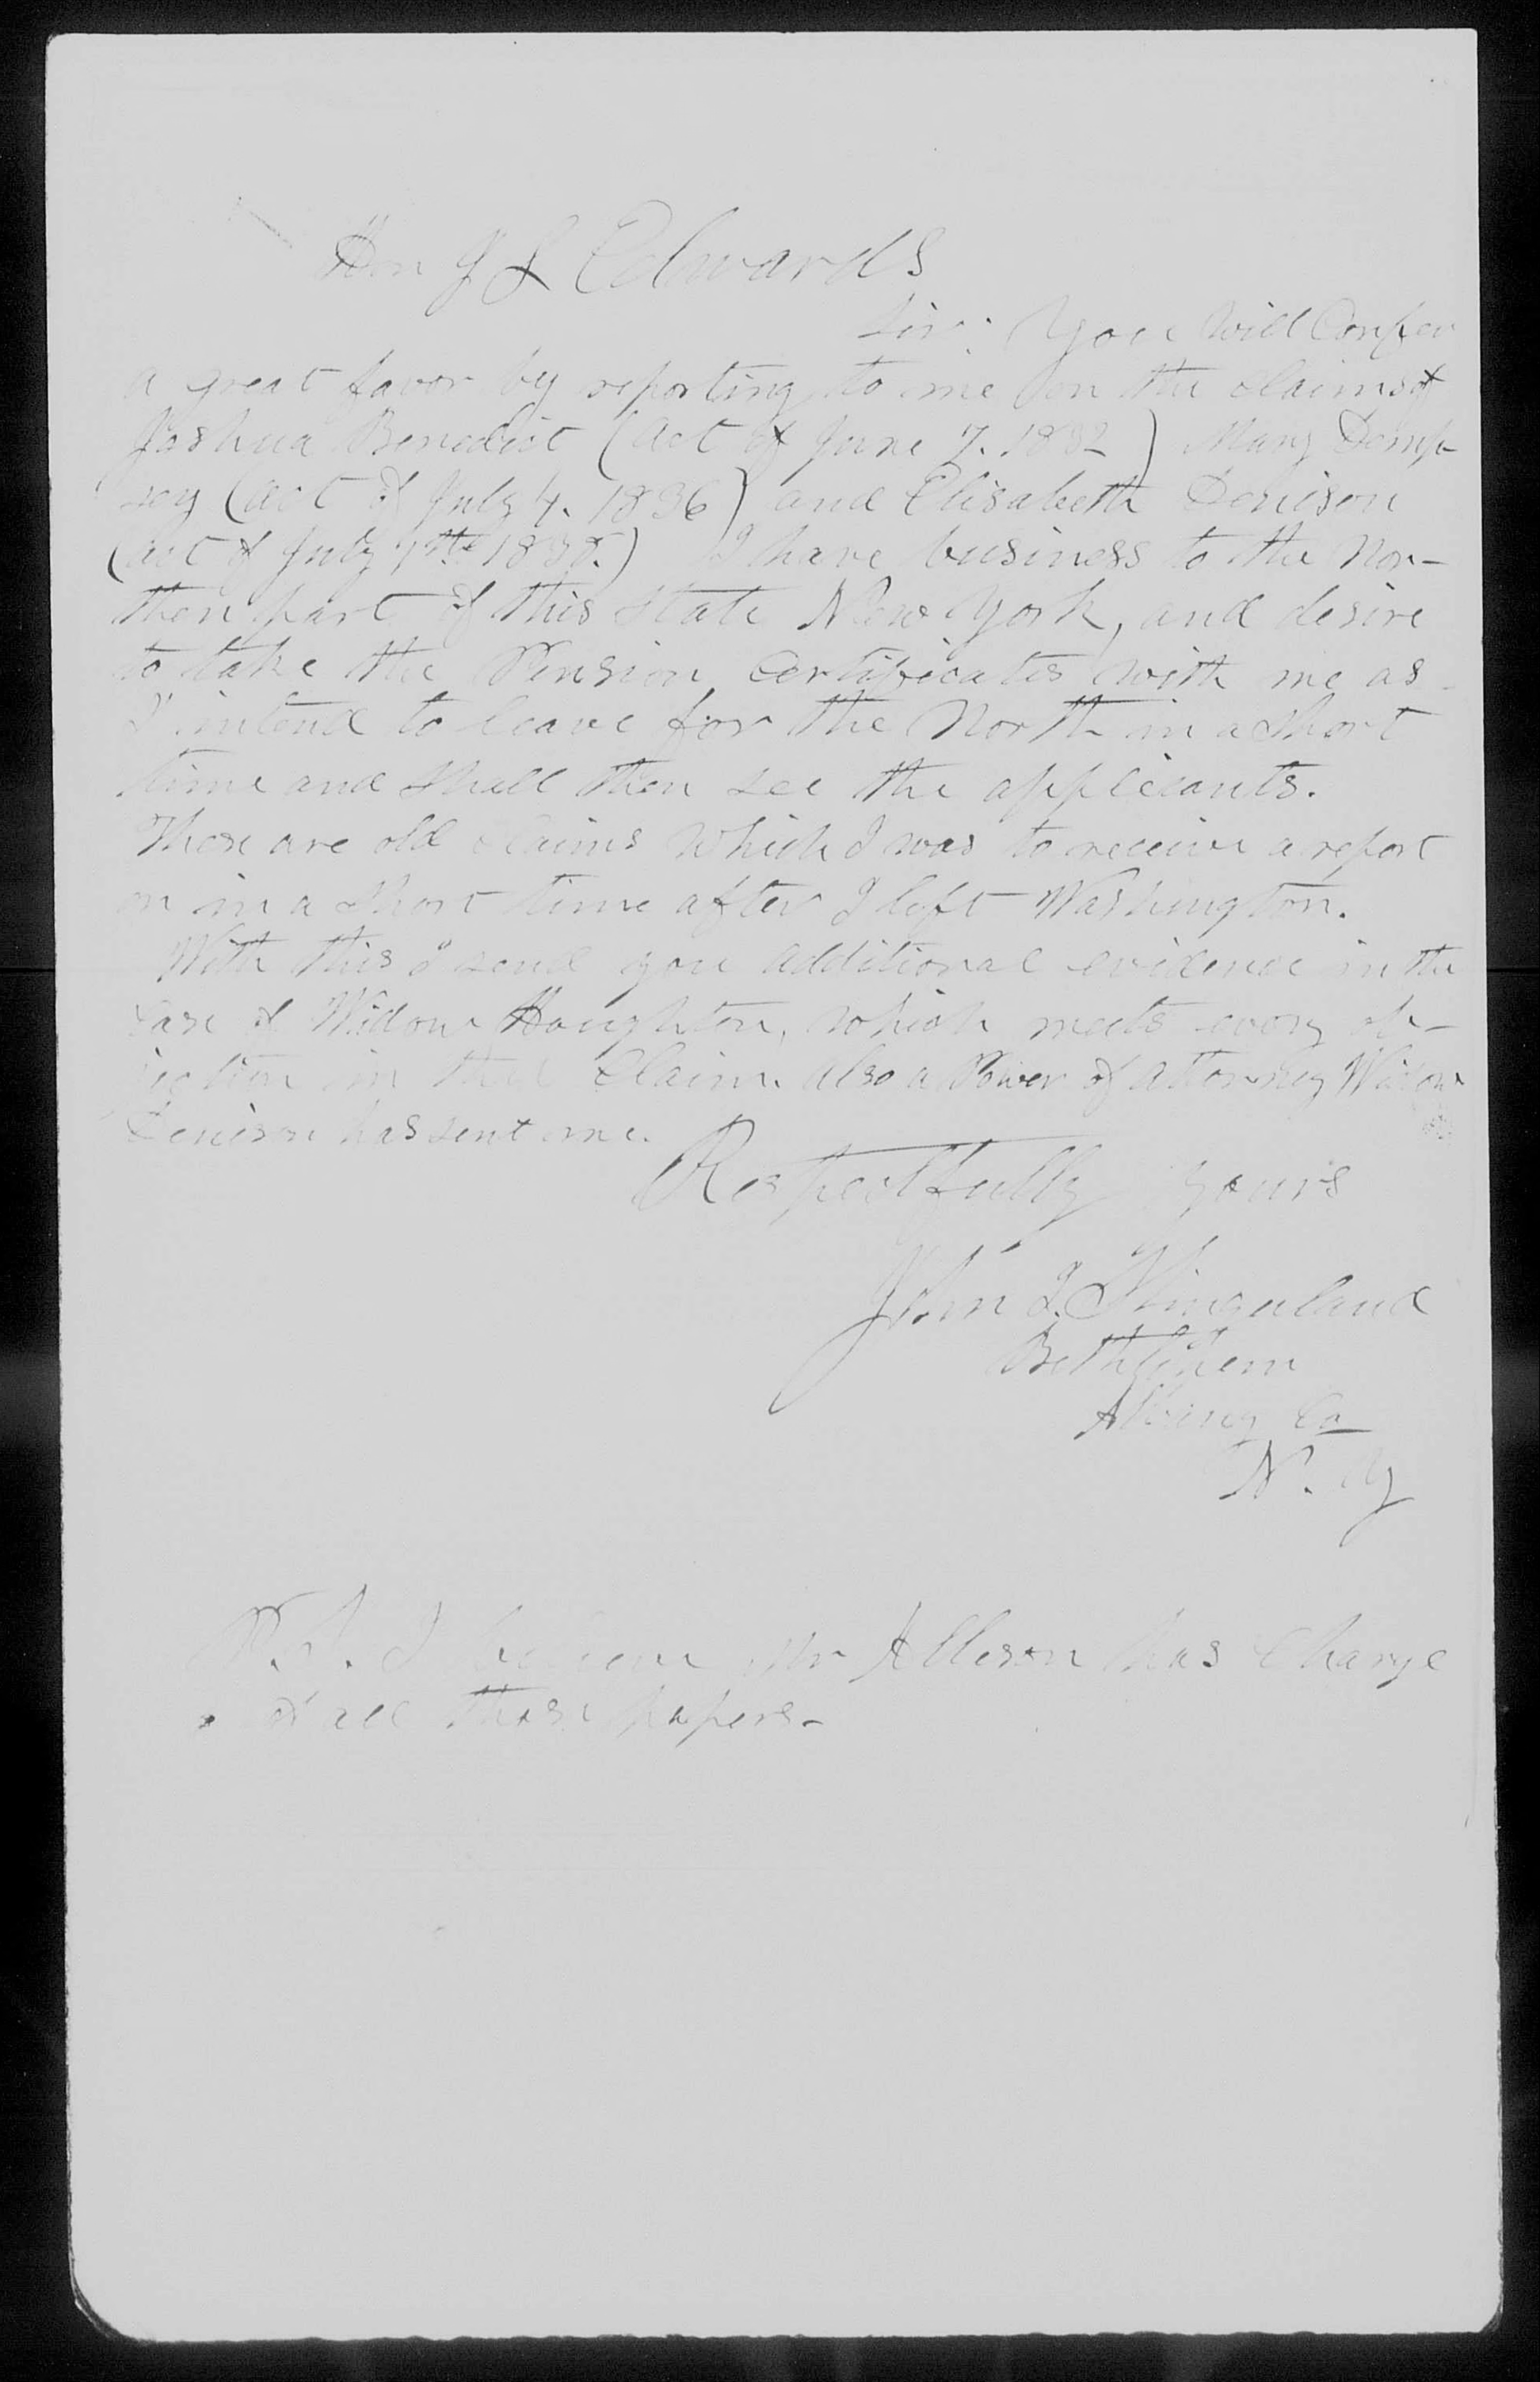Hon J. L Edwards
Sir: You will Confer a great favor by reporting to me on the claims of Joshua Benedict (Act of June 7. 1832) Mary Dempsey (Act of July 4. 1836) and Elisabeth Denison (act of July 4th 1836.) I have business to the Northern part of this State New York, and desire to take the Pension Certificates with me as I intend to leave for the North in a short time and shall then see the applicants. These are old claims which I was to receive a report on in a short time after I left Washington. With this I send you additional evidence in the case of Widow Houghton, which meets every objection in that Claim. Also a Power of attorney Widow Denison has sent me.

Respectfully yours
John J. Slingerland
Bethlehem
Albany Co
N.Y.

P.S. I believe Mr Jefferson has Charge of all these papers.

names: John J Slingerland, J L Edwards, Joshua Benedict, Mary Dempsey, J J Slingerland, Elisabeth Denison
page: 103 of 106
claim: survivor's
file: S 23,116., Joshua Benedict, Conn.